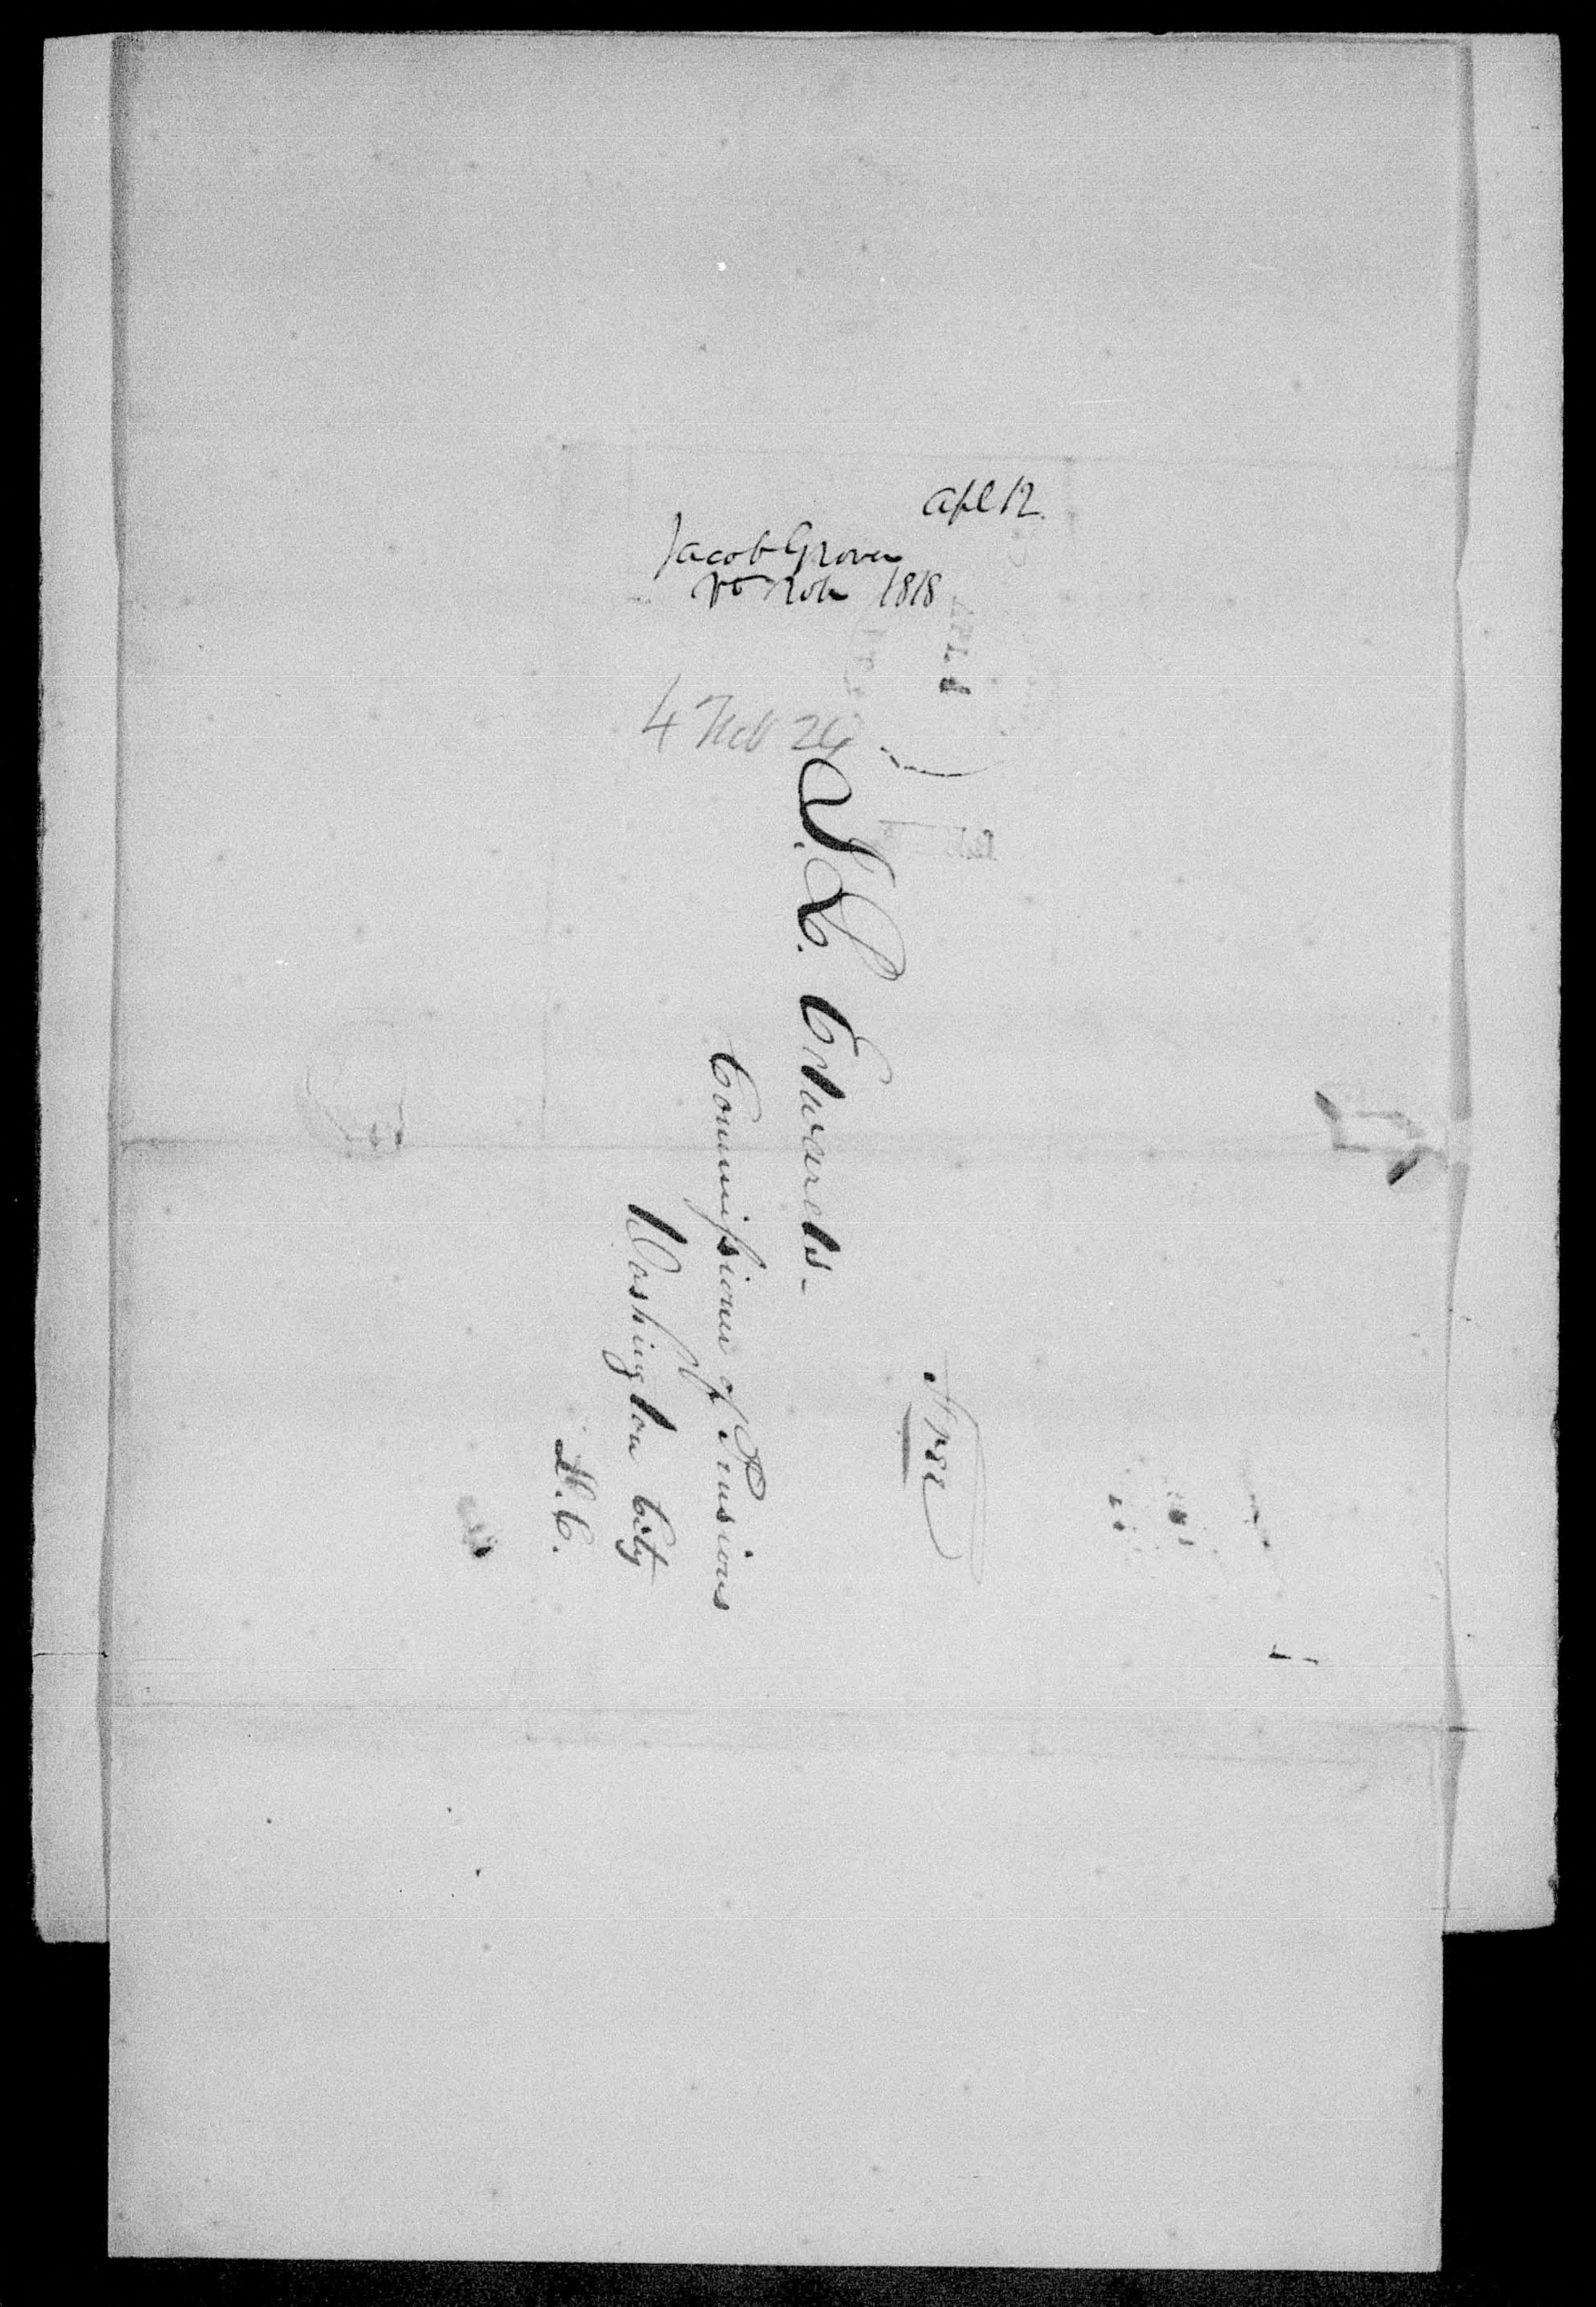(front of envelope)
J. L. Edwards
Commissioner of Pensions
Washington City
D.C.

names: Jacob Grover, J L Edwards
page: 13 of 22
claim: survivor's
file: S. 38777, Jacob Grover, Continental (Vt.)